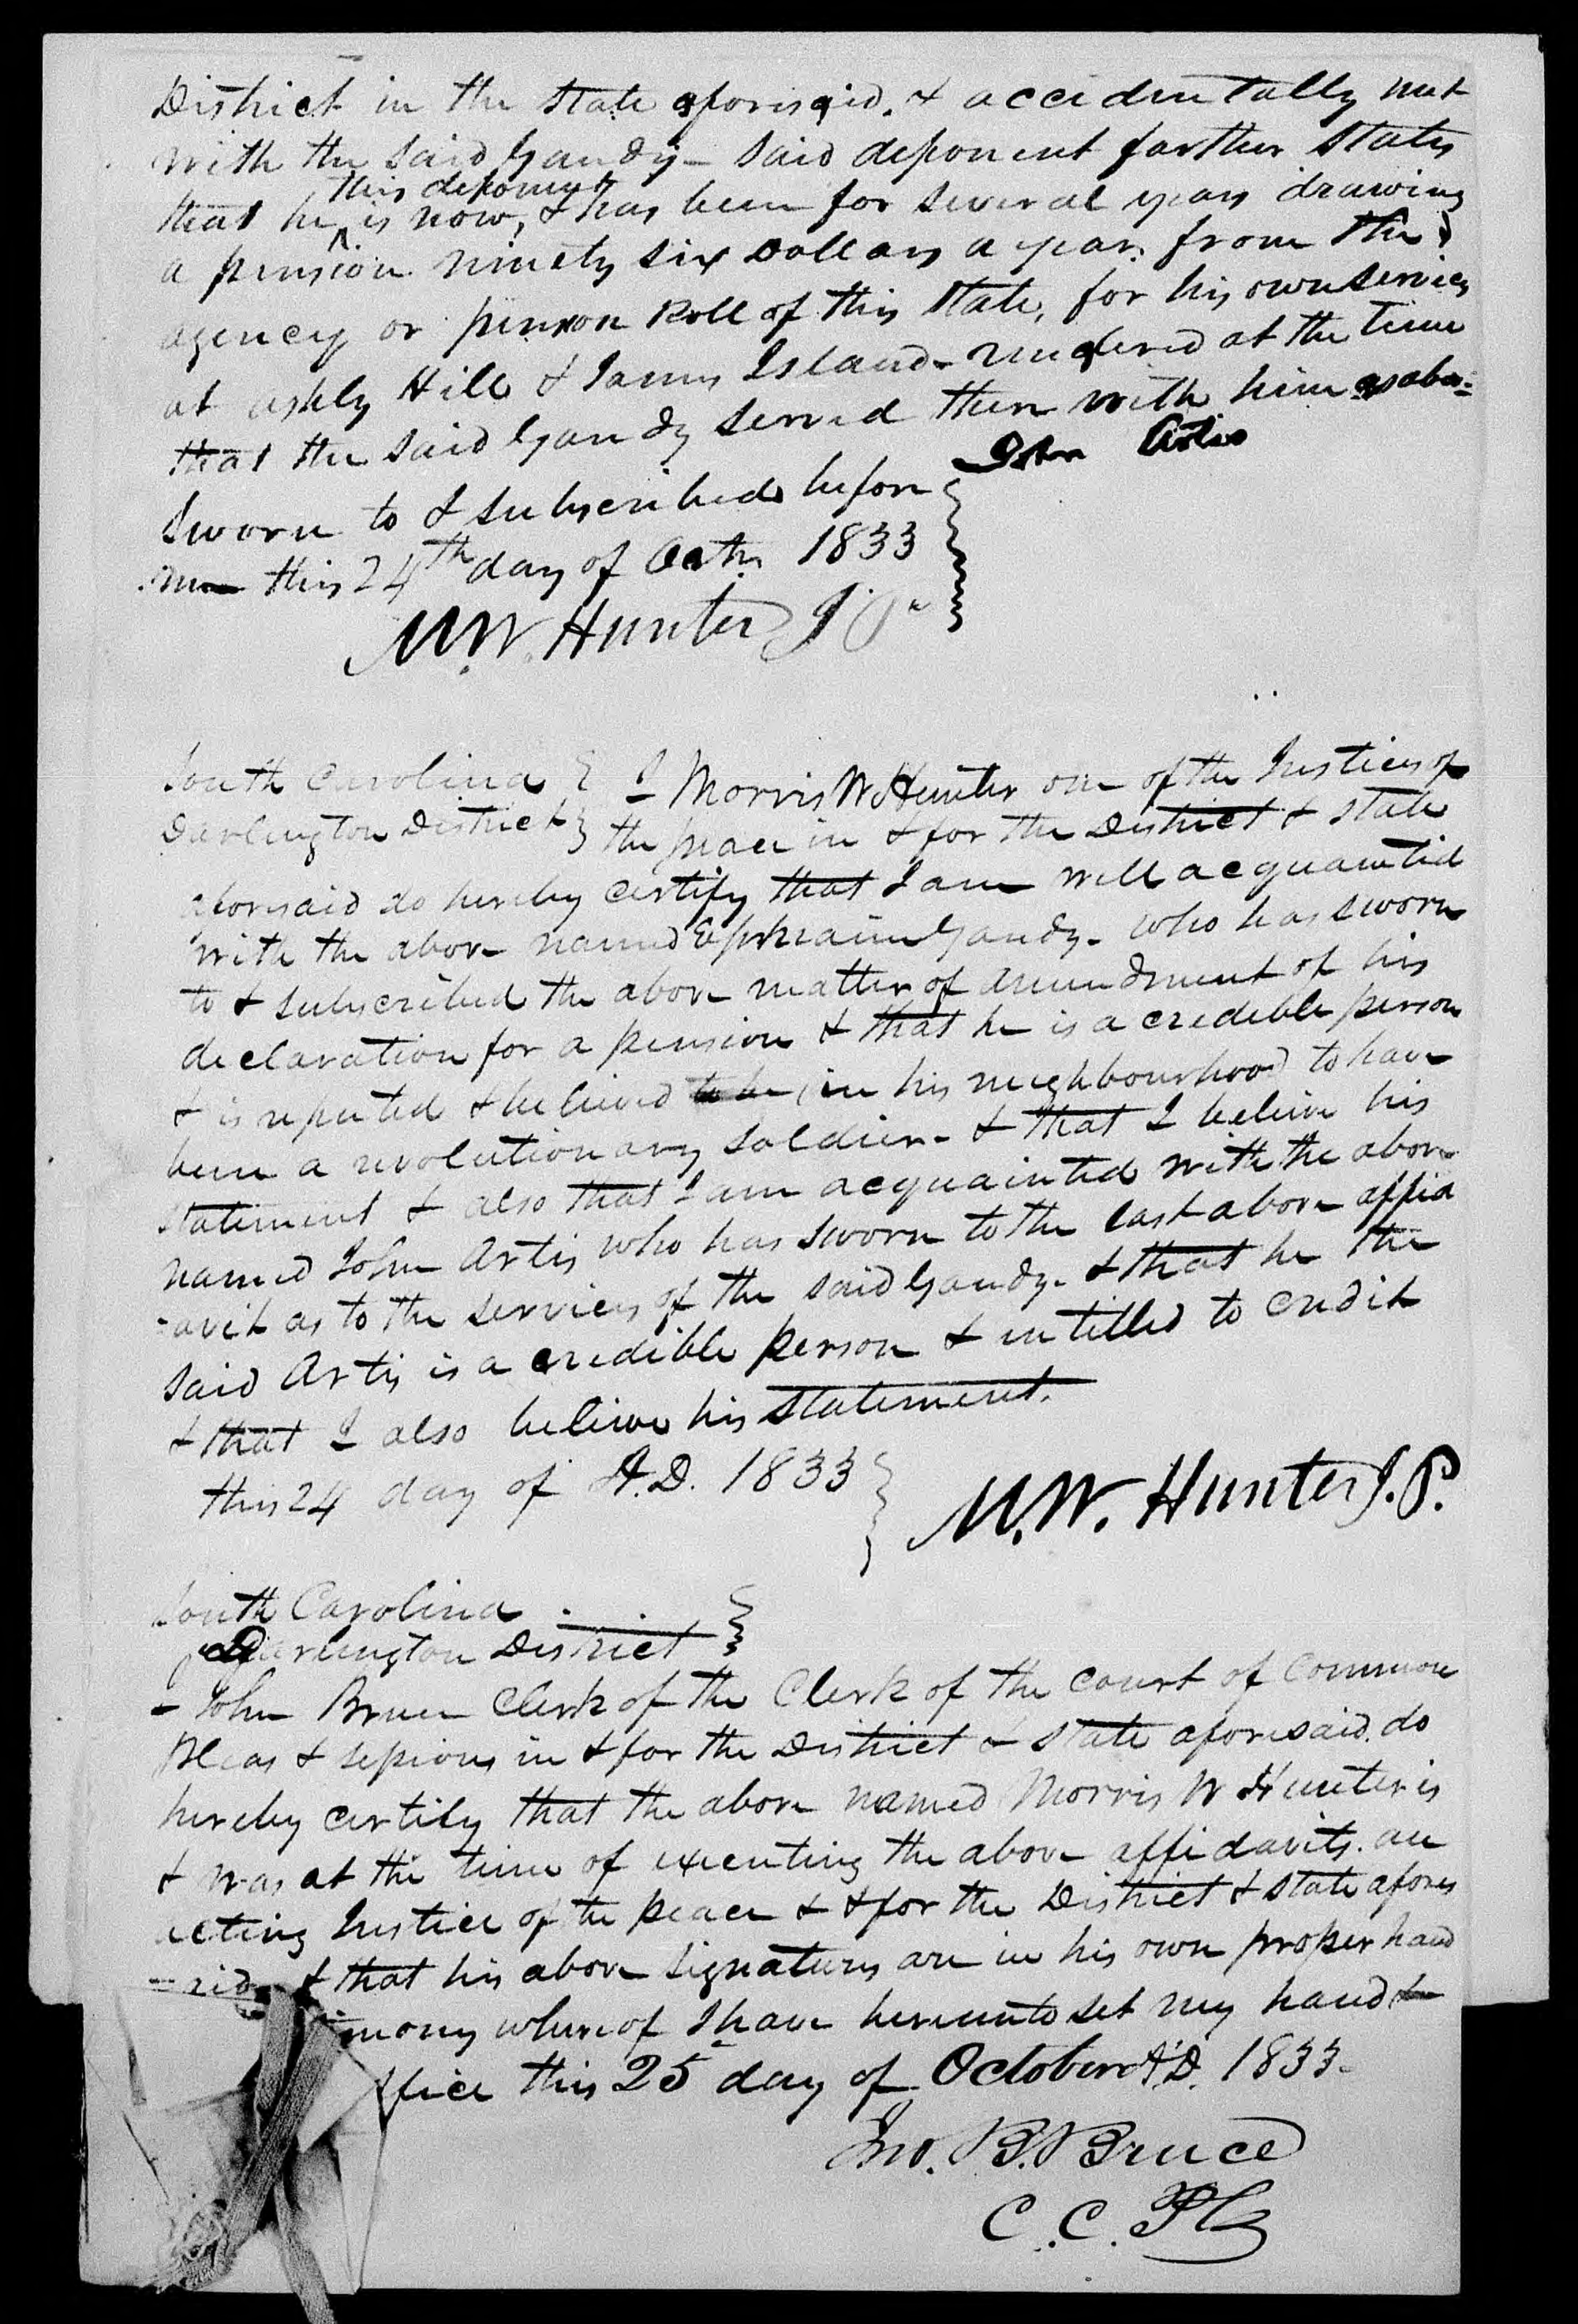District in the state aforesaid & accidentally met with said Gaudy - said deponent further states that he this deponent is now & has been for several years drawing a pension ninety-six dollars a year from this agency or pension roll of this state for his own service at Ashley Hill and james island rendered at the time the said gaudy served there with him as above
John Artis [signature]

Sworn to & subscribed before me this 24th day of October 1833
M W Hunter J P

South Carolina
Darlington District
I Morris W Hunter one of the Justices of the Peace in & for the district & state aforesaid do hereby certify that I am well acquainted with the above named Ephraim Gaudy, who has sworn to & subscribed the above matter of amendment of his declaration for a pension & that he is a credible person & is reputed & believed in his neighbourhood to have been a Revolutionary soldier & that I believe his statement & also that I am acquainted with the above named John Artis who has sworn to the last above affidavit as to the service of the said Gaudy & that he, the said Artis is a credible person & entitled to credit & that I also believe his statement
this 24th day of A.D. 1833
M. W. Hunter J.P.

South Carolina
Darlington District
I John Bruce Clerk of the Clerk of the Court of Common Pleas & Sessions in & for the district & state aforesaid do hereby certify that the above named Morris W Hunter is & was at the time of executing the above affidavits an acting Justice of the Peace in & for the district & state aforesaid & that the above signatures are in his own proper hand.

In testimony whereof I have here unto set my hand and seal of office this 25th day of October 1833 -
Jno. B Bruce 
C C Pls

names: John Artis, M W Hunter, John Artis, Artis, Morris W Hunter, Ephraim Gaudy, Morris W Hunter, Gaudy, Gaudy, Jno B Bruce, M W Hunter, Gaudy, John Bruce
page: 9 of 12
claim: survivor's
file: S. 17971, Ephraim Gaudy, N.C. S.C.